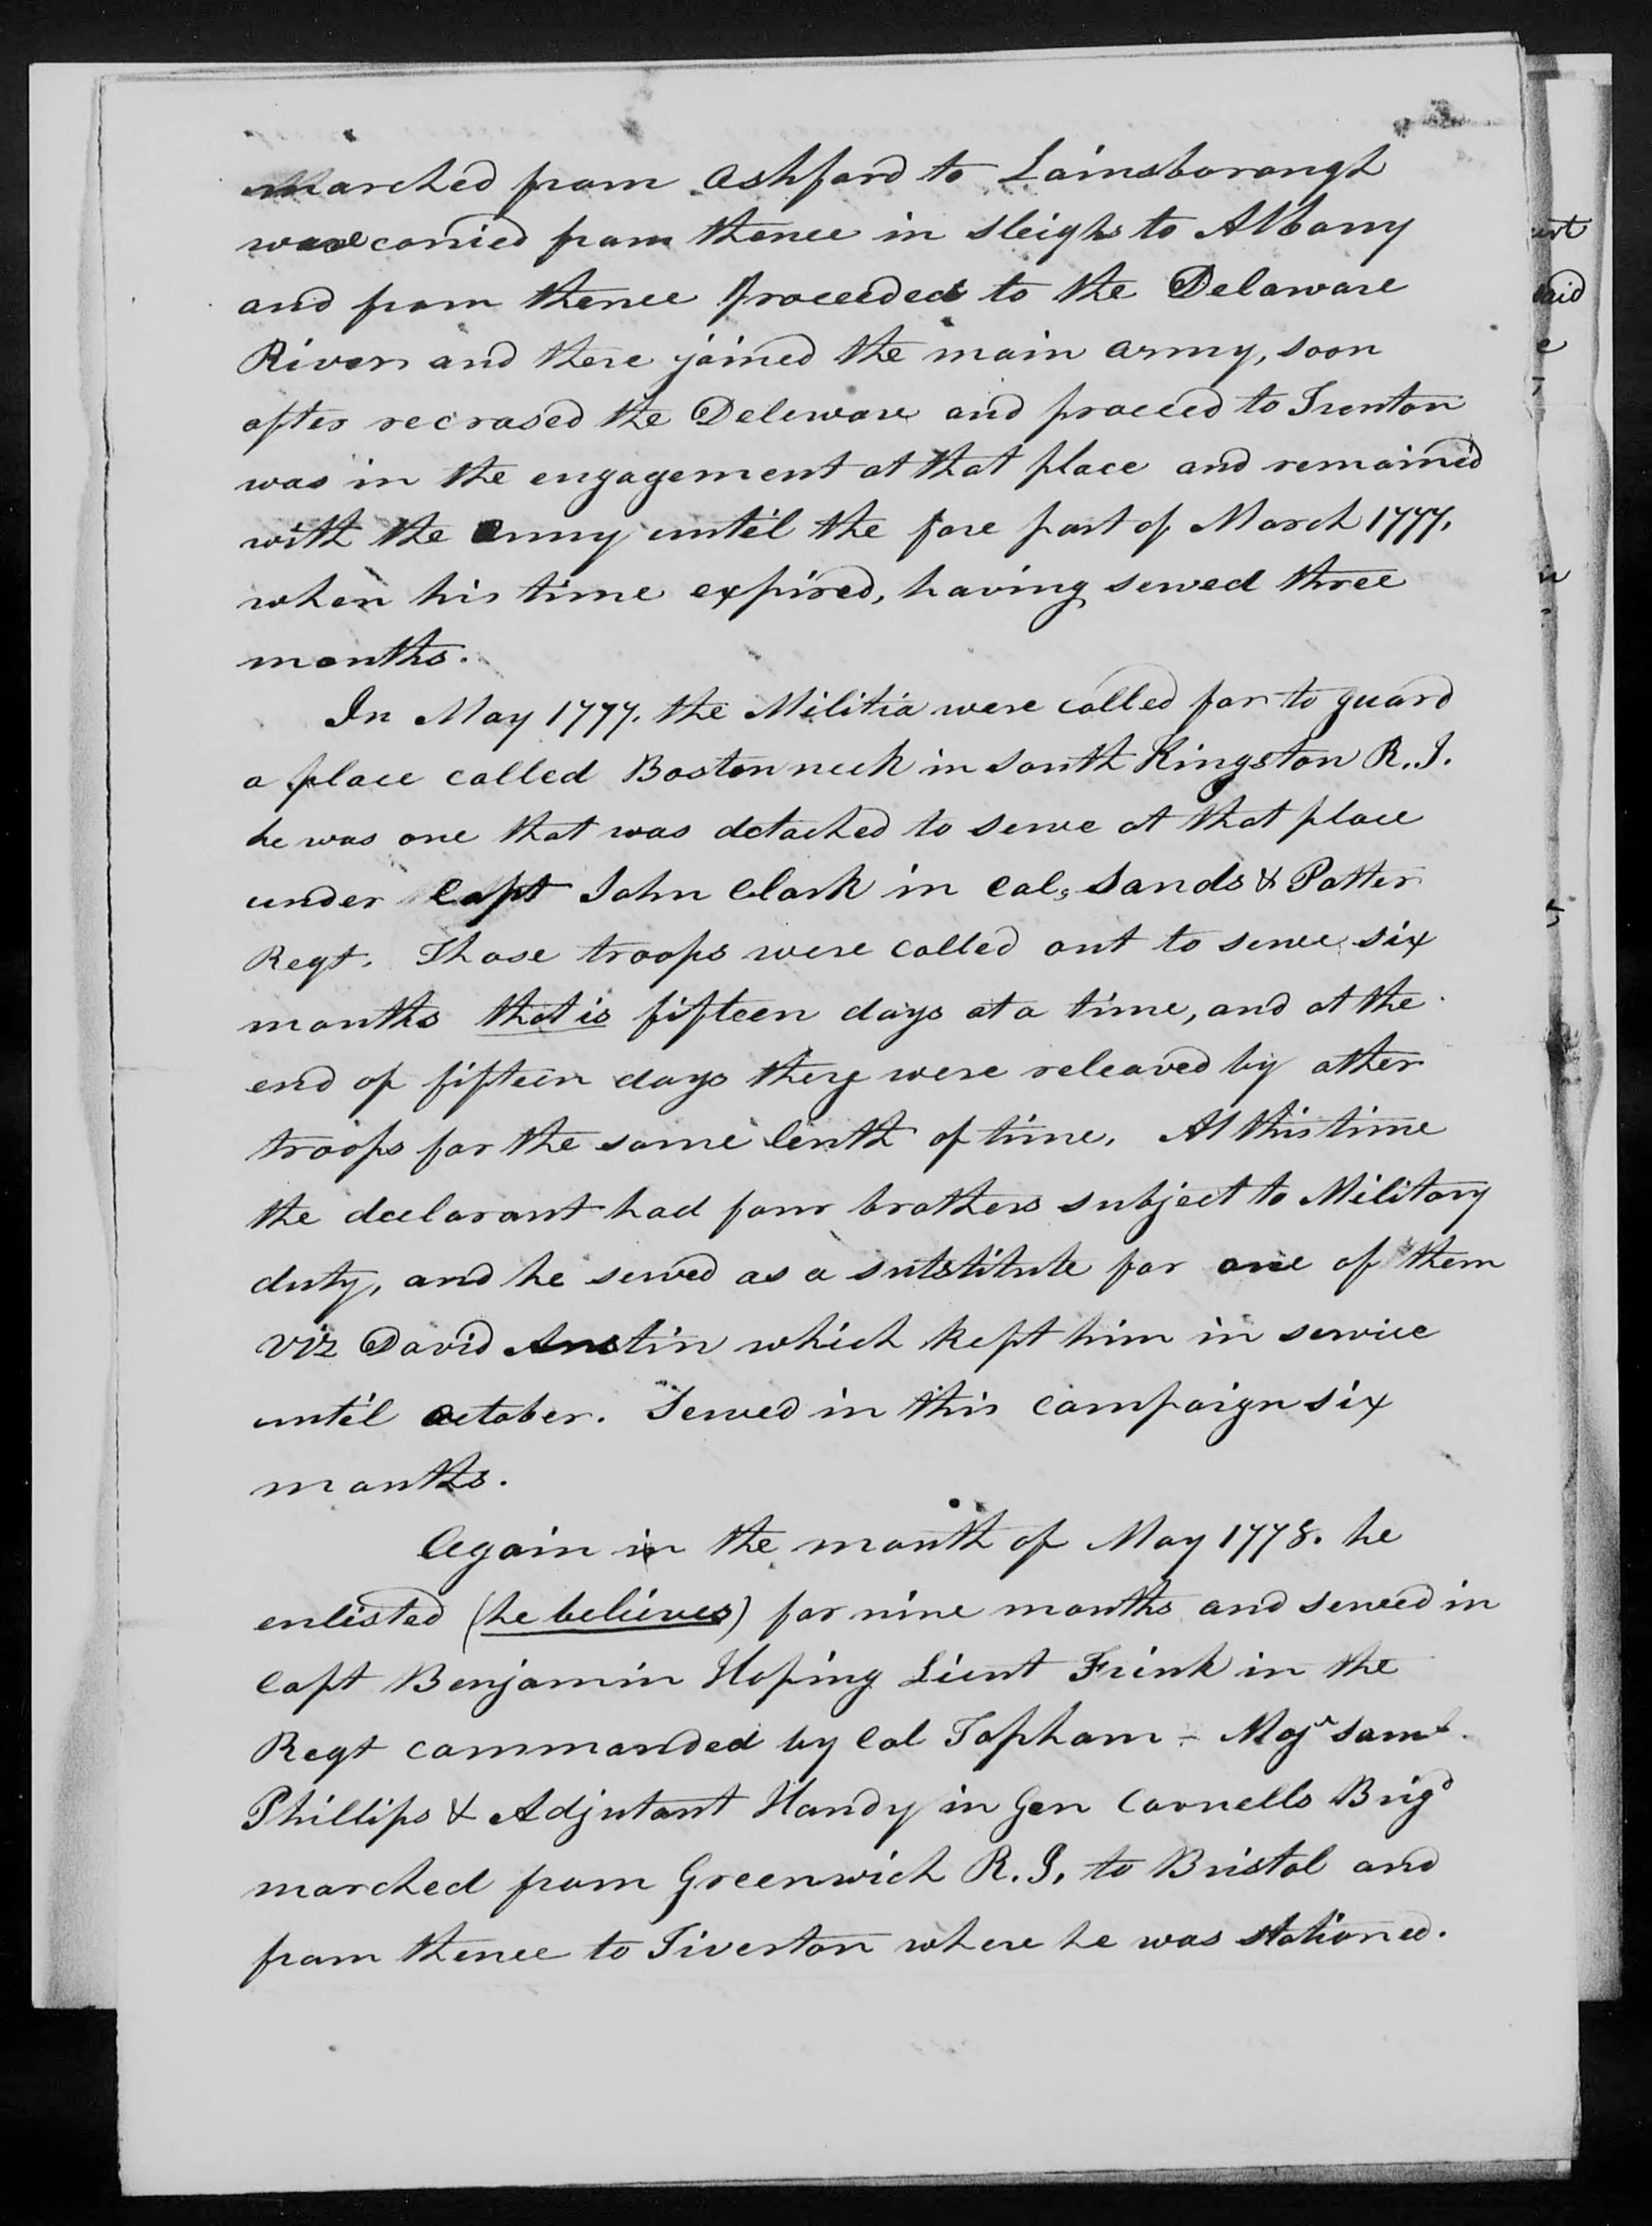marched from Ashford to Lainsborough [illegible] from thence in sleighs to Albany and from thence proceeded to the Delaware River and there joined the main army, soon after recrosed (sic) the Delaware and proceed to Trenton was in the engagement at that place and remained with the army until the fore part of March 1777, when his time expired, having served three months.
In May 1777, the Militia were called for to guard a place called Bostonmich in South Kingston R. I. he was one that was detached to serve at that place under Capt John Clark in Cols Sands & Potter Regt. Those troops were called out to serve months that is fifteen days at a time, and at the end of fifteen days they were relieved by other troops for the same lenth of time. At this time the declarant had four brothers subject to Military duty, and he served as a substitute for one of them vis a vis Austin which kept him in service until October. Served in this campaign six months.
Again in the month of May 1778, h enlisted (he believes) [underlined] for nine months and served in Capt Benjamin Hoping Lieut Grink in the Regt commanded by Col Topham - Major Sam Phillips & Adjutant Handy in Gen Cornells Brig marched from Greenwich R. I. to Bristol and from thence to Liverton where he was stationed.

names: Saml Phillips, Benjamin Hoping, John Clark, Topham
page: 23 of 100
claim: survivor's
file: S 19186, James Austin, Conn. New York R.I.